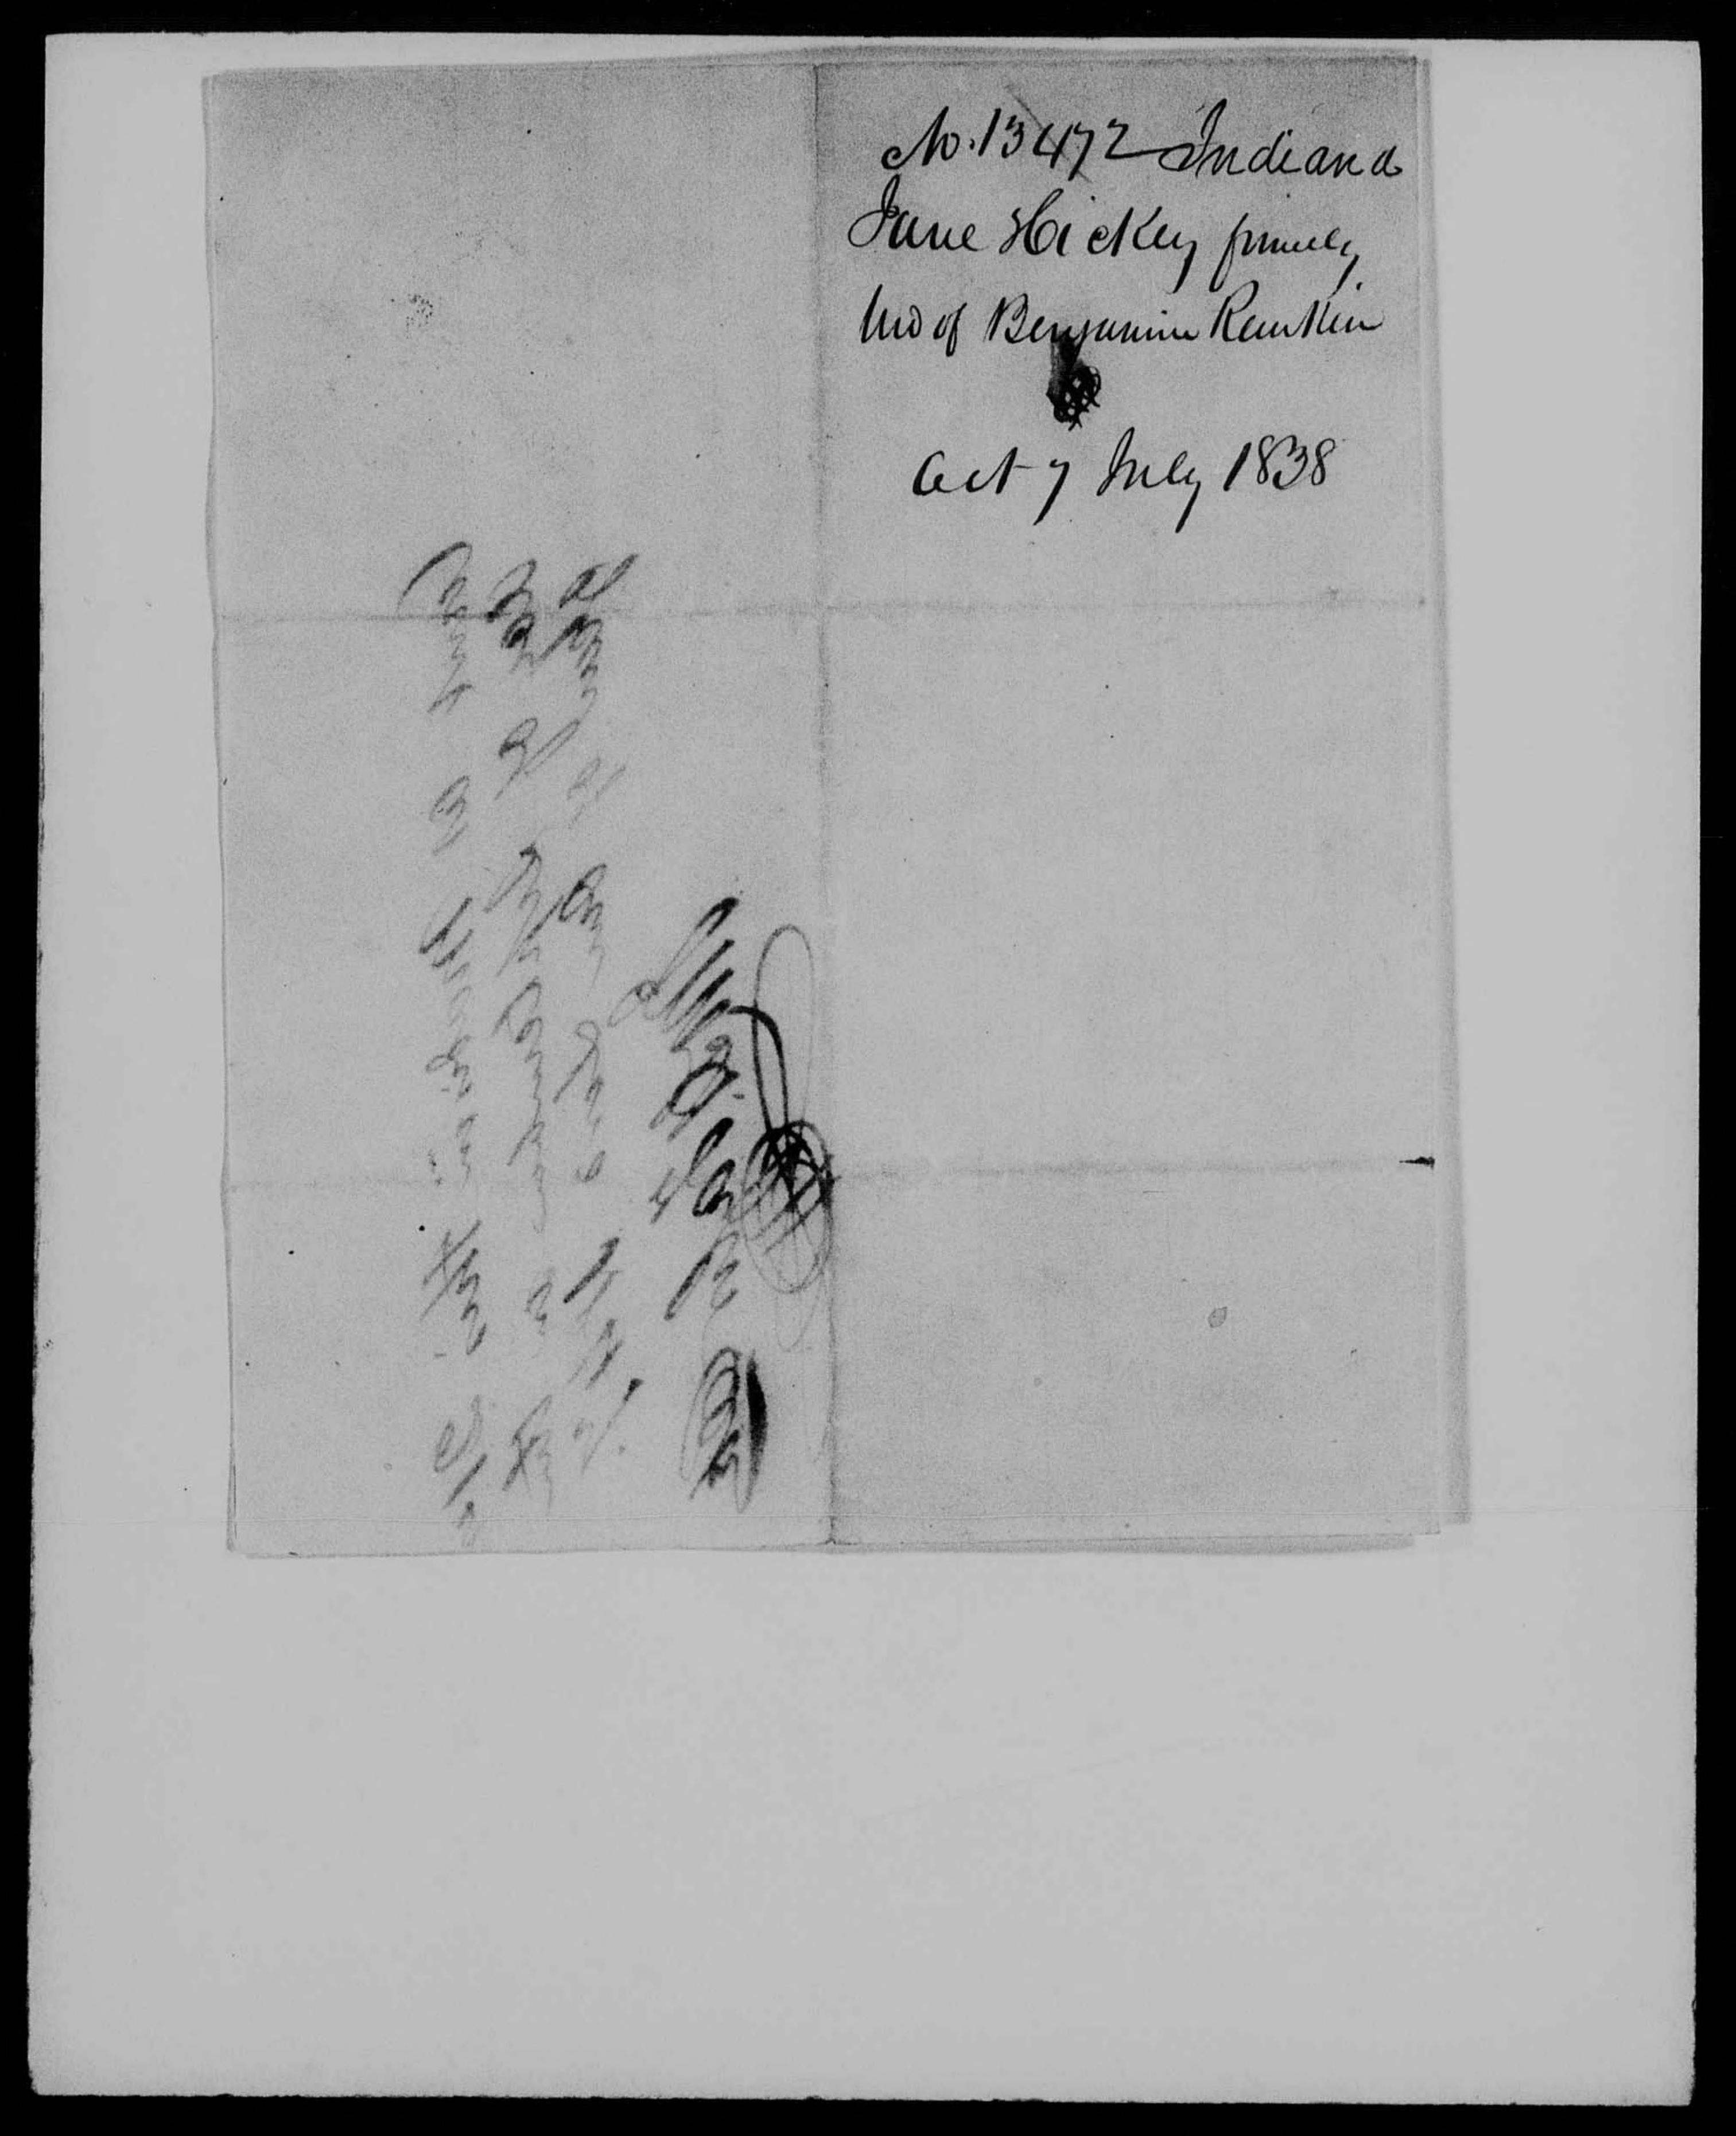No 13472 Indiana
Jane Hickey formerly
wid of Benjamin Rankin
Act 7 July 1838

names: Benjamin Rankin, Jane Hickey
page: 4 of 84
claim: widow's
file: W. 7744, Daniel Hickey, Penn.